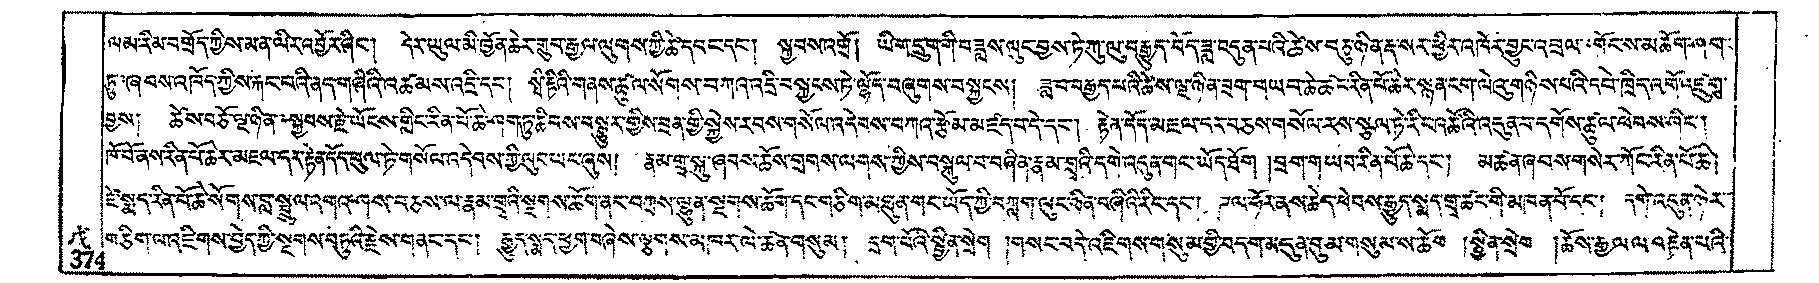་ལམ་རིམ་བགྲོད་ཀྱིས་མ་ན་ལིར་འབྱོར་ཞིང་། དེར་ཡུལ་མི་ཁྱོན་ཆེར་གྲུབ་རྒྱལ་ལུགས་ཀྱི་ཚེ་དབང་དང་། སྐྱབས་འགྲོ། ཡིག་དྲུག་གི་བཟླས་ལུང་བྱས་ཏེ་ཀུ་ལུ་བརྒྱུད་བོད་ཟླ་བདུན་པའི་ཚེས་བཅུ་ཉིན་རྡ་སར་ཕྱིར་འཁོར་བྱུང་འཕྲལ་༧གོང་ས་མཆོག་ཤག་
ཏུ་༧ཞབས་འཁོད་ཀྱིས་རྐང་པའི་ནད་གཟ་
ཙོམ་མཛད་པ་དེ་དང་། རྟེན་དོད་མཇལ་དར་བཅས་གསོལ་རས་སྩལ་ཏེ་རིང་འཚོའི་འདུན་པ་དགོས་ཚུལ་ཕེབས་ཤིང་།
ཁོ་བོ་ནས་རིན་པོ་ཆེར་མཇལ་དར་རྟེན་དོད་ཕུལ་ཏེ་གསོལ་འདེབས་ཀྱི་ལུང་ཡང་ཞུས། རྣམ་གྲྭ་སྐུ་ཞབས་ཆོས་གྲགས་ལགས་ཀྱིས་བསྐུལ་བ་བཞིན་རྣམ་གྲྭའི་དགེ་འདུན་གང་ཡོད་ཐོག །བྲག་གཡབ་རིན་པོ་ཆེ་དང་། མཚན་ཞབས་གསེར་ཀོང་རིན་པོ་ཆེ།
ཛེ་སྨད་རིན་པོ་ཆེ་སོགས་བླ་སཔརལ་འགའ་ཤས་བཅས་ལ་རྣམ་གྲྭའི་སྔགས་ཆོག་ནང་བཀྲས་ལྷུན་སྔགས་ཆོག་དང་གཅིག་མཐུན་གང་྾ཨོད་ཀྱི་བཀླག་ལུང་ན྾ཨིན་བཞིའི་རིང་དང་། ཌལ་ཧོར་ནས་ཆེད་ཕེབས་རྒྱུད་སྨད་གྲྭ་ཚང་གི་མཁན་པོ་དང་། དགེ་འདུན་ཉེར་
གཅིག་ལ་འཇིགས་བྱེད་ཀྱི་སྔགས་བཏུའི་རྗེས་གནང་དང་། རྒྱུད་སྨད་ཕྱག་བ་